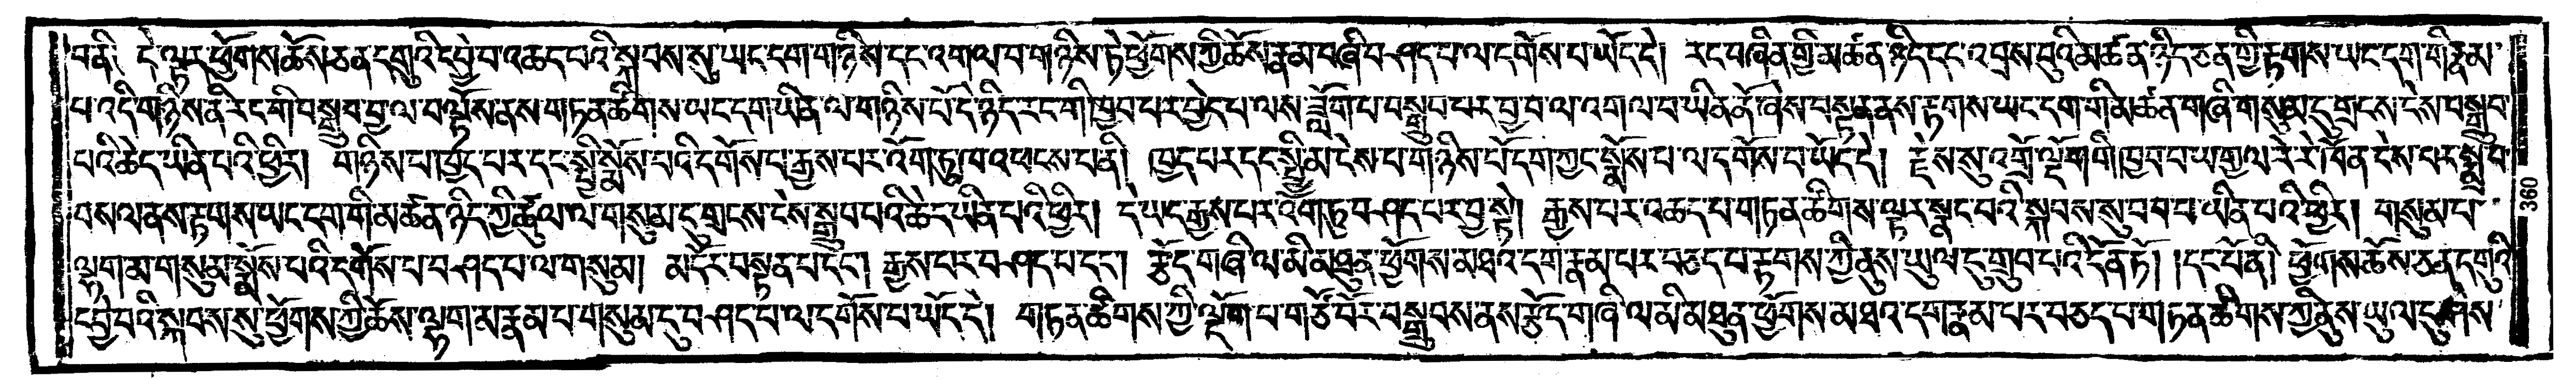བ་ནི༑ དེ་ལྟར་ཕྱོགས་ཆོས་ཅན་དགུའི་དབྱེ་བ་འཆད་པའི་སྐབས་སུ་ཡང་དག་གཉིས་དང་འགལ་བ་གཉིས་ཏེ་ཕྱོགས་ཀྱི་ཆོས་རྣམ་བཞི་བཤད་པ་ལ་དགོས་པ་ཡོད་དེ། རང་བཞིན་གྱི་མཚན་ཉིད་དང་འབྲས་བུའི་མཚན་ཉིད་ཅན་གྱི་རྟགས་ཡང་དག་གི་རྣམ་
པ་འདི་གཉིས་ནི་རང་གི་བསྒྲུབ་བྱ་ལ་བལྟོས་ནས་གཏན་ཚིགས་ཡང་དག་ཡིན་ལ་གཉིས་པོ་དེ་ཉིད་རང་གི་ཁྱབ་པར་བྱེད་པ་ལས་ཟློག་པ་བསྒྲུབ་པར་བྱ་བ་ལ་འགལ་བ་ཡིན་ནོ་ཞེས་བསྟན་ནས་རྟགས་ཡང་དག་གི་མཚན་གཞི་གསུམ་དུ་གྲངས་ངེས་བསྒྲུབ་
པའི་ཆེད་ཡིན་པའི་ཕྱིར། གཉིས་པ་ཁྱད་པར་དང་སྤྱི་སྨོས་པའི་དགོས་པ་རྒྱས་པར་འོག་ཏུ་ཁ་འཕངས་པ་ནི། ཁྱད་པར་དང་སྤྱི་མ་ངེས་པ་གཉིས་པོ་དག་ཀྱང་སྨོས་པ་ལ་དགོས་པ་ཡོད་དེ། རྗེས་སུ་འགྲོ་ལྡོག་གི་ཁྱབ་པ་ཡ་གྱལ་རེ་རེ་ཁོ་ན་ངེས་པར་སྨྲ་བ་
བསལ་ནས་རྟགས་ཡང་དག་གི་མཚན་ཉིད་ཀྱི་ཚུལ་ལ་གསུམ་དུ་གྲངས་ངེས་སྒྲུབ་པའི་ཆེད་ཡིན་པའི་ཕྱིར། དེ་ཡང་རྒྱས་པར་འོག་ཏུ་བཤད་པར་བྱ་སྟེ། རྒྱས་པར་འཆད་པ་གཏན་ཚིགས་ལྟར་སྣང་བའི་སྐབས་སུ་བབ་པ་ཡིན་པའི་ཕྱིར། གསུམ་པ་
ལྷག་མ་གསུམ་སྨོས་པའི་དགོས་པ་བཤད་པ་ལ་གསུམ། མདོར་བསྟན་པ་དང་། རྒྱས་པར་བཤད་པ་དང་། རྩོད་གཞི་ལ་མི་མཐུན་ཕྱོགས་མཐའ་དག་རྣམ་པར་བཅད་པ་རྟགས་ཀྱི་ནུས་ཡུལ་དུ་གྲུབ་པའི་དོན་ཏོ། །དང་པོ་ནི། ཕྱོགས་ཆོས་ཅན་དགུའི་
དབྱེ་བའི་སྐབས་སུ་ཕྱོགས་ཀྱི་ཆོས་ལྷག་མ་རྣམ་པ་གསུམ་དུ་བཤད་པ་ལ་དགོས་པ་ཡོད་དེ། གཏན་ཚིགས་ཀྱི་ལྡོག་པ་གཙོ་བོར་བསྒྲུབས་ནས་རྩོད་གཞི་ལ་མི་མཐུན་ཕྱོགས་མཐའ་དག་རྣམ་པར་བཅད་པ་གཏན་ཚིགས་ཀྱི་ནུས་ཡུལ་དུ་ཤེས་